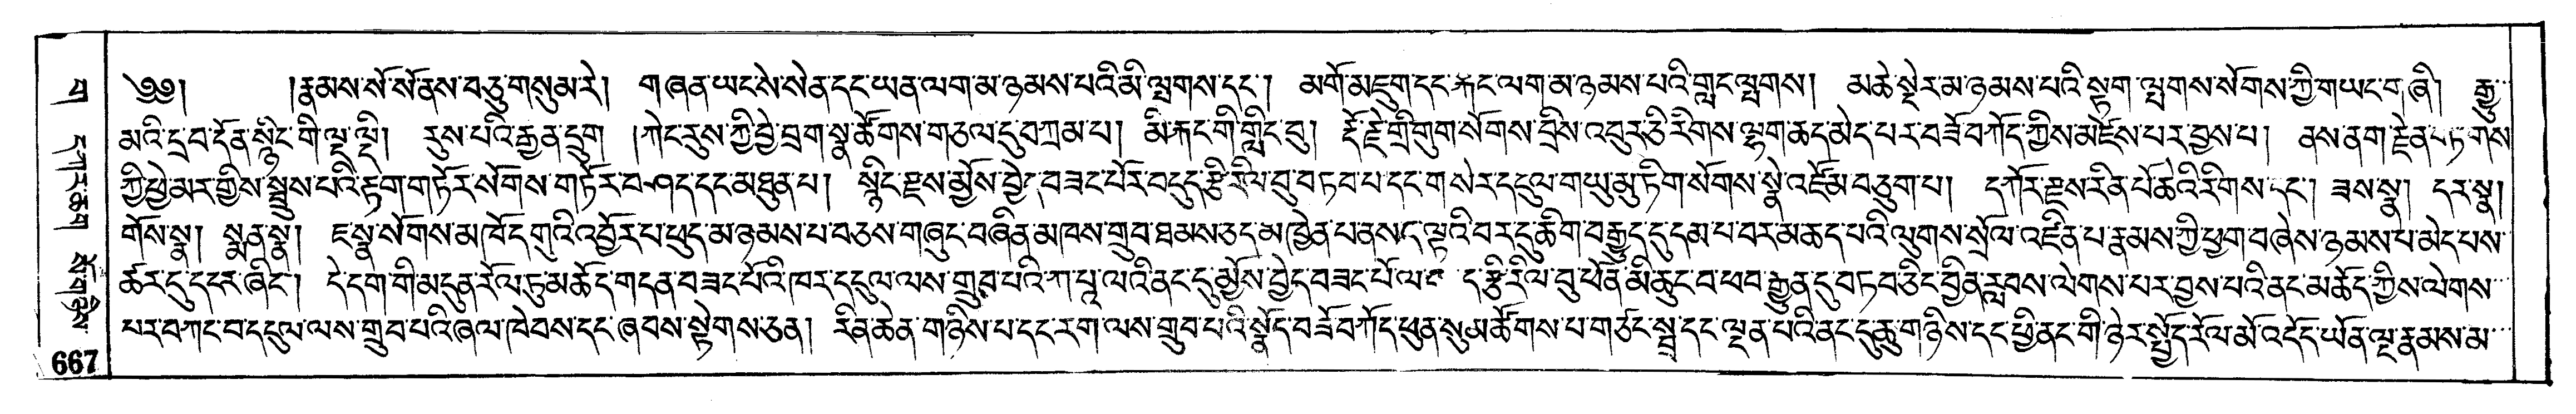༄༅། །རྣམས་སོ་སོ་ནས་བཅུ་གསུམ་རེ། གཞན་ཡང་སོ་སེན་དང་ཡན་ལག་མ་ཉམས་པའི་མི་ལྤགས་དང་། མགོ་མཇུག་དང་རྐང་ལག་མ་ཉམས་པའི་གླང་ལྤགས། མཆེ་སྡེར་མ་ཉམས་པའི་སྟག་ལྤགས་སོགས་ཀྱི་གཡང་གཞི། རྒྱུ་
མའི་དྲ་བ་དོན་སྙིང་གི་ལྔ་ལྡི། རུས་པའི་རྒྱན་དྲུག །ཀེང་རུས་ཀྱི་བྱེ་བྲག་སྣ་ཚོགས་གཅལ་དུ་བཀྲམ་པ། མི་རྐང་གི་གླིང་བུ། རྡོ་རྗེ་གྲི་གུས་སོགས་བྲིས་འབུར་ཅི་རིགས་ལྷག་ཆད་མེད་པར་བཟོ་བཀོད་ཀྱིས་མཛེས་པར་བྱས་པ། ནས་ནག་རྗེན་བཏགས་
ཀྱི་ཕྱེ་མར་གྱིས་སྦྲུས་བའི་རྟག་གཏོར་སོགས་གཏོར་བཤད་དང་མཐུན་པ། སྙིང་རྫས་མྱོས་བྱེད་བཟང་པོར་བདུད་རྩི་རིལ་བུ་བཏབ་བ་དང་གསེར་དངུལ་གཡུ་མུ་ཏིག་སོགས་སྣེ་འཛོམ་བཅུག་པ། དཀོར་རྫས་རིན་པོ་ཆེའི་རིགས་དང་། ཟས་སྣ། དར་སྣ།
གོས་སྣ། སྨན་སྣ། ཇསྣ་སོགས་མཁོ་དགུའི་འབྱོར་པ་ཕུད་མ་ཉམས་པ་བཅས་གཞུང་བཞིན་མཁས་གྲུབ་ཐམས་ཅད་མཁྱེན་བ་ནས་ད་ལྟའི་བར་དུ་ཆིག་བརྒྱུད་དུ་དམ་པ་བར་མ་ཆད་བའི་ལུགས་སྲོལ་འཛིན་པ་རྣམས་ཀྱི་ཕྱག་བཞེས་ཉམས་པ་མེད་པས་
ཚར་དུ་དངར་ཞིང་། དེ་དག་གི་མདུན་རོལ་ཏུ་མཆོད་གདན་བཟང་པོའི་ཁར་དངུལ་ལས་གྲུབ་པའི་ཀ་པཱ་ལའི་ནང་དུ་མྱོས་ཕྱེད་བཟང་པོ་ལ་བདུད་རྩི་རིལ་བུ་ཕོན་མི་ཆུང་བ་ཕབ་རྒྱུན་དུ་བཏབ་ཅིང་བྱིན་རླབས་ལེགས་པར་བྱས་བའི་ནང་མཆོད་ཀྱིས་ལེགས་
པར་བཀང་བ་དངུལ་ལས་གྲུབ་པའི་ཞལ་ཁེབས་དང་ཞབས་སྟེགས་ཅན། རིན་ཆེན་གཉིས་པ་དང་རག་ལས་གྲུབ་པའི་སྣོད་བཟོ་བཀོད་ཕུན་སུམ་ཚོགས་པ་གཙང་སྦྲ་དང་ལྡན་པའི་ནང་དུ་ཆུ་གཉིས་དང་ཕྱི་ནང་གི་ཉེར་སྤྱོད་རོལ་མོ་འདོད་ཡོན་ལྔ་རྣམས་མ་